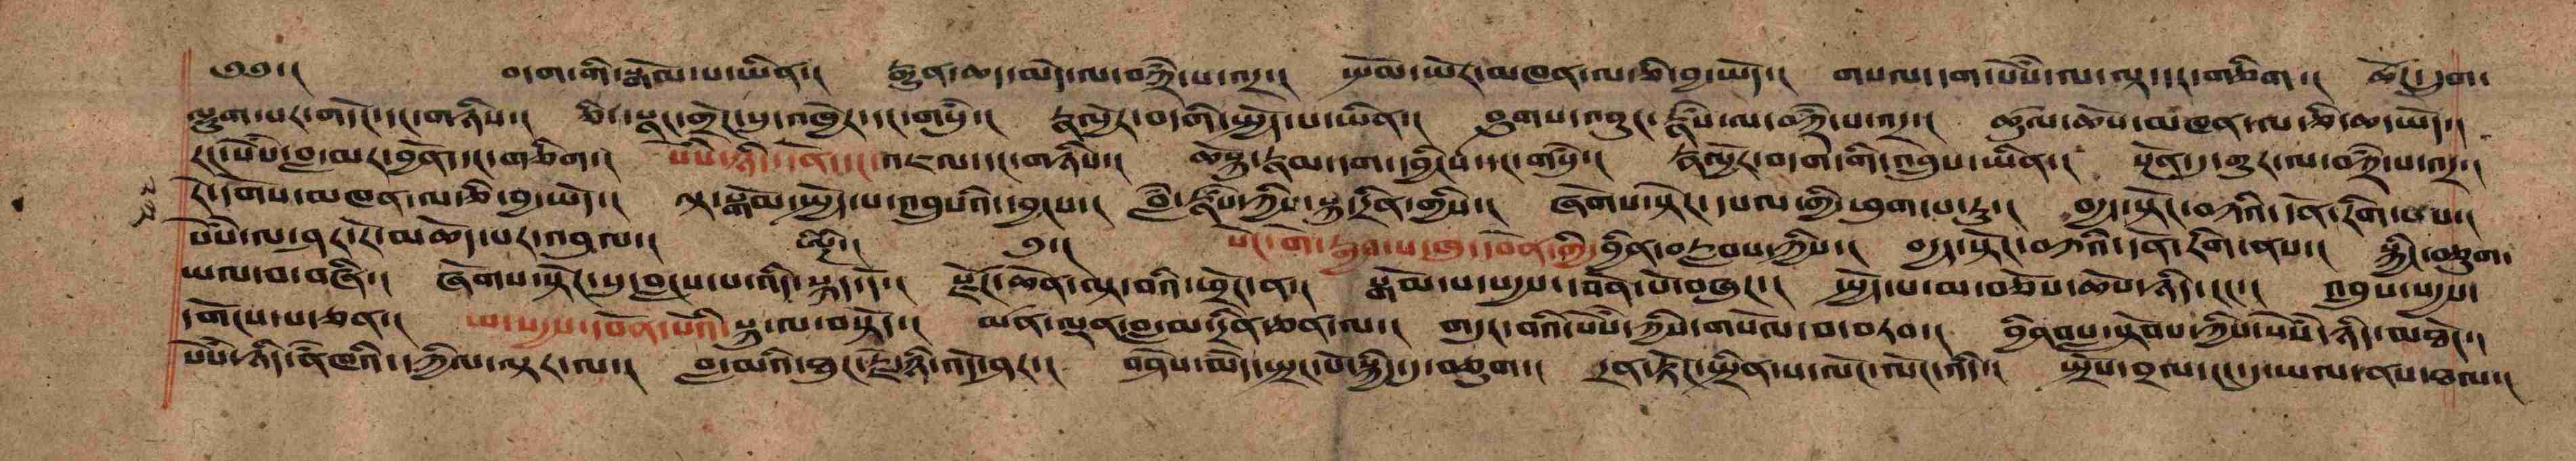༄༅།། བདག་གི་སྒོམ་པ་ཡིན།། རྒྱུན་ཆད་མེད་ལ་བཀྲི་པ་འདྲ།། སྤོམ་ཡོར་མཁན་ལ་ཅི་བྱ་ཡོད།། གསལ་དག་སེམས་ལ་ལྟ་དང་གཅིག། ཚོགས་དྲུག་
ལྷུག་པར་གདེང་དང་གཉིས།། ཅི་སྣང་གྲོགས་སུ་འཁྱེར་དང་གསུམ།། རྣལ་འབྱོར་བདག་གི་སྤྱོད་པ་ཡིན།། ཤུགས་འབྱུང་རྣམས་ལ་བཀྲི་པ་འདྲ།། ཚུལ་འཆོས་མཁན་ལ་ཅི་ཆ་ཡོད།། 
རང་སེམས་བླ་མར་བྱོན་དང་གཅིག། སེམས་ཉིད་དོན་དང་འཇལ་དང་གཉིས།། ཆོས་སྐུ་རྣམ་དག་དབྱིངས་དང་གསུམ།། རྣལ་འབྱོར་བདག་གི་འབྲས་བུ་ཡིན།། སྔོན་དུ་གྱུར་ལ་བཀྲི་པ་འདྲ།། 
རེ་དོགས་མཁན་ཅི་ཆ་ཡོད།། ལྟ་སྒོམ་སྤྱོད་པ་འབྲས་བུའི་དབྱངས།། བླ་མ་རྣམས་ཀྱིས་སྐུ་དྲིན་གྱིས།། ཞོགས་སྟེང་དཔལ་གྱི་ཕུག་པ་རུ།། བརྒྱད་སྟོང་བཀའི་དོན་རིག་ནས།། 
སེམས་ལ་ཤར་རོ་མཆོད་པ་འབུལ།། ཨྚི། ༄་། སེང་གེ་རྒྱབ་པ་ཁུ་དབོན་གྱི་བྱིན་རླབས་ཀྱིས།། བརྒྱད་སྟོང་བཀའི་དོན་རིག་ནས།། སྐྱིང་བཅུག་
ཡལ་བ་བཞི།། ཞོགས་པ་སྟོང་སུ་བླངས་པ་འདི་སྐད་དོ།། རྫོགས་ཆེན་ལྟ་བའི་ཕོ་བྲང་ན།། སྒོམ་པ་སངས་རྒྱས་དབོན་པོ་བཞུགས།། སྤྱོད་པ་མ་བཅོས་ཆོས་ཉིད་ངང་།། འབྲས་བུ་སངས་རྒྱས་
དགོངས་པ་ཅན།། ཕ་སངས་རྒྱས་དབོན་པོའི་སྐུ་ལ་བསྟོད།། མཚན་ལྡན་བླ་མ་དྲིན་ཅན་ལ།། གདུང་བའི་སེམས་ཀྱིས་གསོལ་བ་བཏབ།། བྱིན་རླབས་སྟོབས་ཀྱིས་སེམས་ཉིད་མཐོང་།། 
སེམས་ཉིད་ནམ་མཁའི་དཀྱིལ་ལྟར་ལ།། བླ་མའི་ཐུགས་རྗེ་ཉི་འོད་ཤར།། བཤོས་མེད་སྤྲང་པོ་སྐྱིད་དུ་བཅུག།། དྲན་རྟོག་སྤྲིན་པ་ལང་ལོང་འདི།། སྤྲོས་བྲལ་ངང་དུ་ཡལ་ནས་ཐལ།།